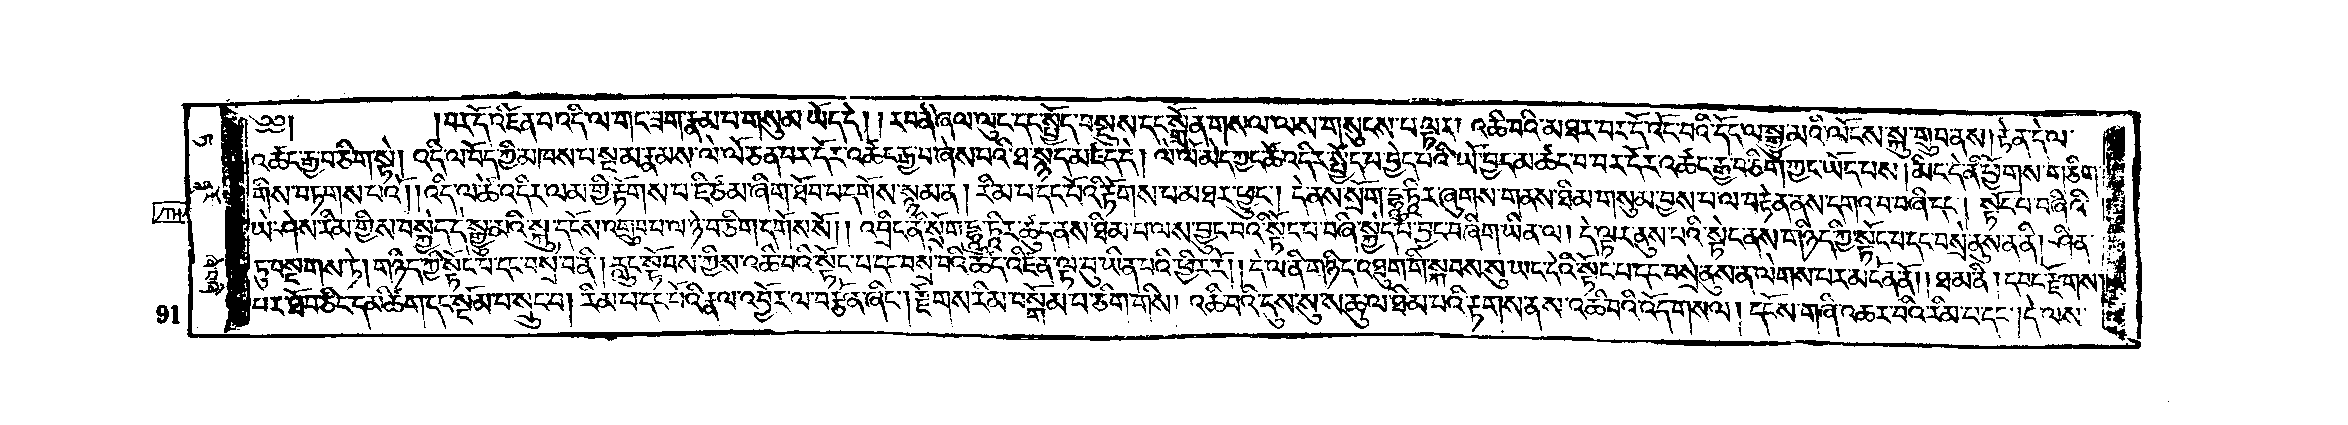༄༅། །བར་དོ་འཛིན་པ་འདི་ལ་གང་ཟག་རྣམ་པ་གསུམ་ཡོད་དེ། །རབ་ནི་ཞལ་ལུང་དང་སྤྱོད་བསྡུས་དང་སྒྲོན་གསལ་ལས་གསུངས་པ་ལྟར། འཆི་བའི་མཐར་བར་དོ་འོང་བའི་དོད་ལ་སྒྱུ་མའི་ལོངས་སྐུ་གྲུབ་ནས། རྟེན་དེ་ལ་
འཚང་རྒྱ་བ་ཅིག་སྟེ། འདི་ལ་བོད་ཀྱི་མཁས་པ་སྔ་མ་རྣམས་ལེ་ལོ་ཅན་བར་དོར་འཚང་རྒྱ་བ་ཞེས་པའི་ཐ་སྙད་མཛད་དེ། ལེ་ལོ་མེད་ཀྱང་ཚེ་འདིར་སྤྱོད་པ་བྱེད་པའི་ཡོ་བྱད་མ་ཚང་བ་བར་དོར་འཚང་རྒྱ་བ་ཅིག་ཀྱང་ཡོད་པས། མིང་དེ་ནི་ཕྱོགས་གཅིག་
གིས་བཏགས་པའོ། །འདི་ལ་ཚེ་འདིར་ལམ་གྱི་རྟོགས་པ་ཇི་ཙམ་ཞིག་ཐོབ་པ་དགོས་སྙམ་ན། རིམ་པ་དང་པོའི་རྟོགས་པ་མཐར་ཕྱུང་། དེ་ནས་སྲོག་དྷཱུ་ཏཱིར་ཞུགས་གནས་ཐིམ་གསུམ་བྱས་པ་ལ་བརྟེན་ནས་དགའ་བ་བཞི་དང་། སྟོང་པ་བཞིའི་
ཡེ་ཤེས་རིམ་གྱིས་བསྐྱེད་དེ་སྒྱུ་མའི་སྐུ་དངོས་འགྲུབ་པ་ལ་ཉེ་བ་ཅིག་དགོས་སོ། །འབྲིང་ནི་སྲོག་དྷཱུ་ཏཱིར་ཚུད་ནས་ཐིམ་པ་ལས་བྱུང་བའི་སྟོང་པ་བཞི་སྐྱེད་པ་བྱང་བ་ཞིག་ཡིན་ལ། དེ་ལྟར་ནུས་པའི་སྟེང་ནས་གཉིད་ཀྱི་སྟོང་པ་དང་བསྲེ་ནུས་ན་ནི། ཤིན་
ཏུ་བསྔགས་ཏེ། གཉིད་ཀྱི་སྟོང་པ་དང་བསྲེ་བ་ནི། རླུང་སྟོབས་ཀྱིས་འཆི་བའི་སྟོང་པ་དང་བསྲེ་བའི་ཚད་འཛིན་ལྟ་བུ་ཡིན་པའི་ཕྱིར་རོ། །དེ་ལ་ནི་གཉིད་འཐུག་གི་སྐབས་སུ་ཡང་དེའི་སྟོང་པ་དང་བསྲེ་ནུས་ན་ལེགས་པར་མངོན་ནོ། །ཐ་མ་ནི། དབང་རྫོགས་
པར་ཐོབ་ཅིང་དམ་ཚིག་དང་སྡོམ་པ་སྲུང་བ། རིམ་པ་དང་པོའི་རྣལ་འབྱོར་ལ་བརྩོན་ཞིང་། རྫོགས་རིམ་བསྒོམ་པ་ཅིག་གིས། འཆི་བའི་དུས་སུ་ས་ཆུ་ལ་ཐིམ་པའི་རྟགས་ནས་འཆི་བའི་འོད་གསལ། དངོས་གཞི་འཆར་བའི་རིམ་པ་དང་། དེ་ལས་